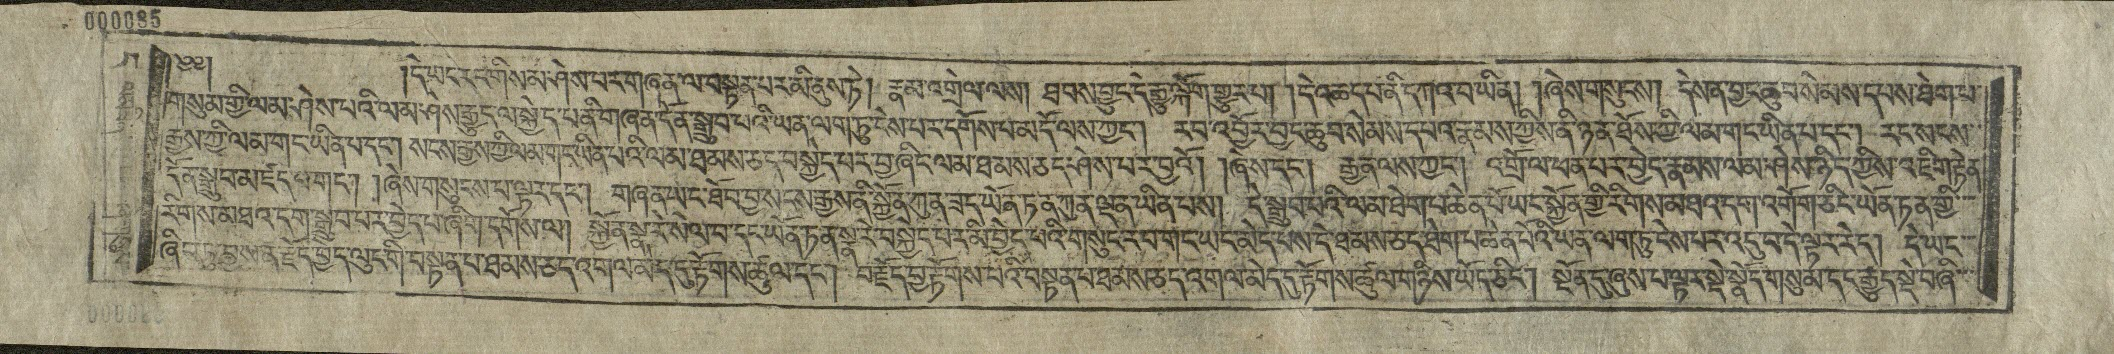༄༅། །དེ་ཡང་རང་གིས་མ་ཤེས་པར་གཞན་ལ་བསྟན་པར་མི་ནུས་ཏེ། རྣམ་འགྲེལ་ལས། ཐབས་བྱུང་དེ་རྒྱུ་ལྐོག་གྱུར་པ། །དེ་འཆད་པ་ནི་དཀའ་བ་ཡིན། །ཞེས་གསུངས། དེས་ན་བྱང་ཆུབ་སེམས་དཔས་ཐེག་པ་
གསུམ་གྱི་ལམ་ཤེས་པའི་ལམ་ཤེས་རྒྱུད་ལ་སྐྱེད་པ་ནི་གཞན་དོན་སྒྲུབ་པའི་ཡན་ལག་ཏུ་ངེས་པར་དགོས་པ་མདོ་ལས་ཀྱང་། རབ་འབྱོར་བྱང་ཆུབ་སེམས་དཔའ་རྣམས་ཀྱིས་ནི་ཉན་ཐོས་ཀྱི་ལམ་གང་ཡིན་པ་དང་། རང་སངས་
རྒྱས་ཀྱི་ལམ་གང་ཡིན་པ་དང་། སངས་རྒྱས་ཀྱི་ལམ་གང་ཡིན་པའི་ལམ་ཐམས་ཅད་བསྐྱེད་པར་བྱ་ཞིང་ལམ་ཐམས་ཅད་ཤེས་པར་བྱའོ། །ཞེས་དང་། རྒྱན་ལས་ཀྱང་། འགྲོ་ལ་ཕན་པར་བྱེད་རྣམས་ལམ་ཤེས་ཉིད་ཀྱིས་འཇིག་རྟེན་
དོན་སྒྲུབ་མཛད་པ་གང་། །ཞེས་གསུངས་པ་ལྟར་དང་། གཞན་ཡང་ཐོབ་བྱ་སངས་རྒྱས་ནི་སྐྱོན་ཀུན་ཟད་ཡོན་ཏན་ཀུན་ལྡན་ཡིན་པས། དེ་སྒྲུབ་པའི་ལམ་ཐེག་པ་ཆེན་པོ་ཡང་སྐྱོན་གྱི་རིགས་མཐའ་དག་འགོག་ཅིང་ཡོན་ཏན་གྱི་
རིགས་མཐའ་དག་སྒྲུབ་པར་བྱེད་པ་ཞིག་དགོས་ལ། སྐྱོན་སྣ་རེ་སེལ་བ་དང་ཡོན་ཏན་སྣ་རེ་བསྐྱེད་པར་མི་བྱེད་པའི་གསུང་རབ་གང་ཡང་མེད་པས་དེ་ཐམས་ཅད་ཐེག་པ་ཆེན་པོའི་ཡན་ལག་ཏུ་ངེས་པར་འདུ་བ་དེ་ལྟར་རེད། དེ་ཡང་
ཞིབ་ཏུ་བྱས་ན་རྗོད་བྱད་ལུང་གི་བསྟན་པ་ཐམས་ཅད་འགལ་མེད་དུ་རྟོགས་ཚུལ་དང་། བརྗོད་བྱ་རྟོགས་པའི་བསྟན་པ་ཐམས་ཅད་འགལ་མེད་དུ་རྟོགས་ཚུལ་གཉིས་ཡོད་ཅིང་། སྔོན་དུ་ཞུས་པ་ལྟར་སྡེ་སྣོད་གསུམ་དང་རྒྱུད་སྡེ་བཞི་